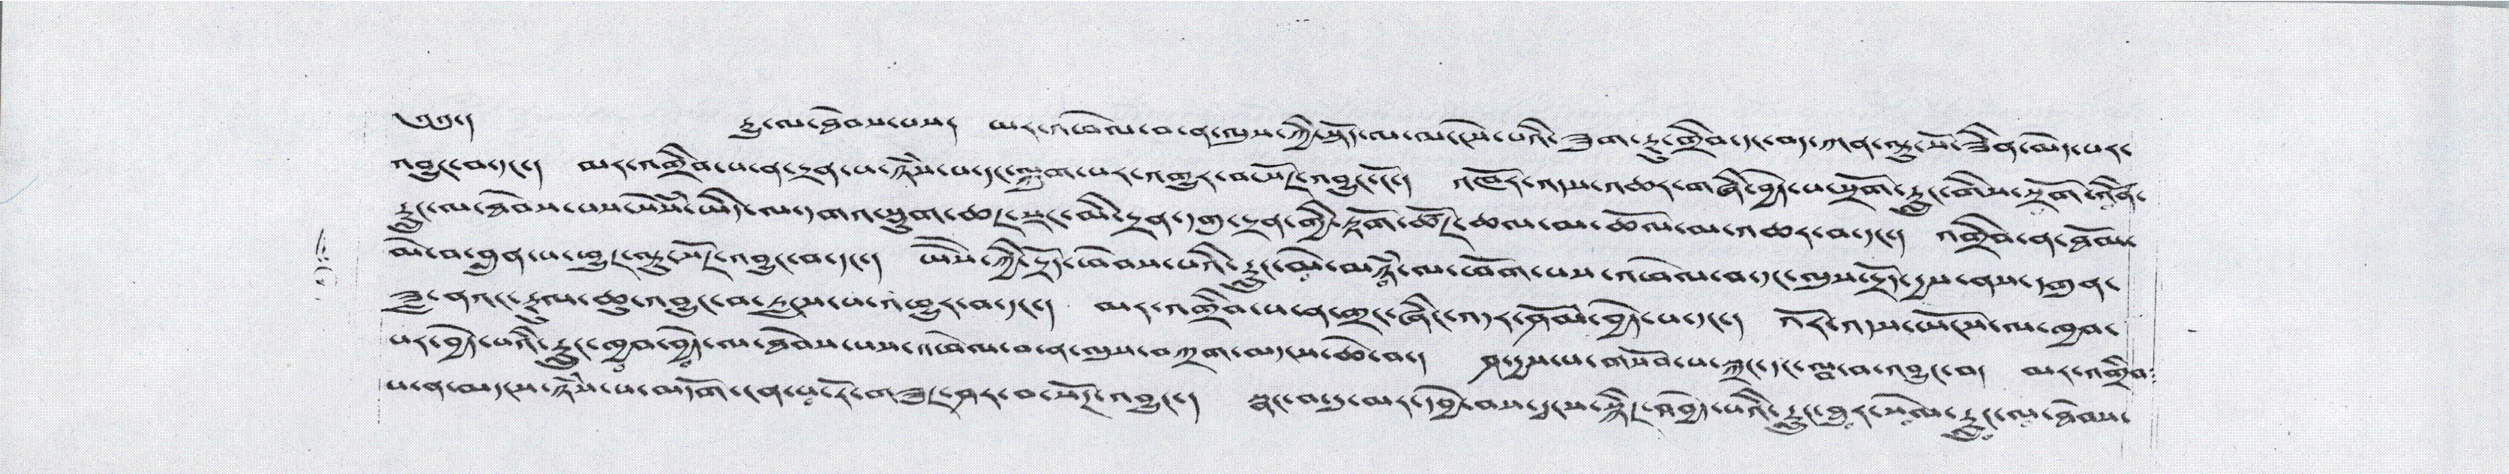རྒྱུ་ལ་ཐེབས་པས་ཡར་འཕེོལ་བ་ན་ལུས་ཀྱི་སྟོད་ལ་མ་ངེས་པའི་ཟུག་རྔུ་གྲིབ་དང་བད་ཀན་ལྟ་བུ་སོ་ཟིན་མེད་པར་
འབྱུང་བ་དང་། མར་འགྲིབ་པ་ན་དྲན་པ་ཉམས་པ་དང་ལྐུགས་པར་འགྱུར་བ་སོགས་འབྱུང་ངོ་། འཁོར་འདས་འཆར་གཞི་བྱེད་པ་སྲོག་རླུང་གི་སྲོག་འཛིན་
རླུང་ལ་ཐེབས་པས་སེམས་ཡིད་ལ་དགའ་སྡུག་ཆགས་སྡང་མི་དྲན་དགུ་དྲན་གྱི་རྟོག་ཚོགས་ཆལ་མ་ཆོལ་ལ་འཆར་བ་དང་། འགྲིབ་ན་ཐོམ་
མེ་བ་བླུན་པ་ཕྱུགས་ལྟ་བུ་སོགས་འབྱུང་བ་དང་། ཡེ་ཤེས་ཀྱི་དྲོད་འབེབས་པའི་རླུང་མེ་མཉམ་ལ་ཕོག་པས་འཕེལ་བ་དང་ལུས་དྲོད་རྒྱས་ནས་ཀུན་དགུན་
ཟླ་ནའང་རྔུལ་ཆུ་འབྱུང་བ་རླངས་པ་འཕྱུར་བ་དང་། མར་འགྲིབ་པ་ན་གྲང་ཞིང་འདར་ཤོམ་བྱེད་པ་དང་། འཁོར་འདས་ཡོངས་ལ་ཁྱབ་
པར་བྱེད་པའི་རླུང་ཁྱབ་བྱེད་ལ་ཐེབས་པས་འཕེལ་བ་ལ་ལུས་བཀྲག་མདངས་ཆེ་བ། ཤ་རྒྱས་པ་གསོབ་པ་སྐྲང་དང་ལྦ་བ་འབྱུང་བ། མར་འགྲིབ་
པ་ན་མདངས་ཉམས་པ་མདོག་ངན་པ་རོ་གཟུགས་ཤར་བ་སོགས་འབྱུང་། སྣང་བ་དུ་མར་དབྱེ་བས་དྭངས་སྙིགས་འབྱེད་པའི་རླུང་ཐུར་སེལ་རླུང་ལ་ཐིམ་